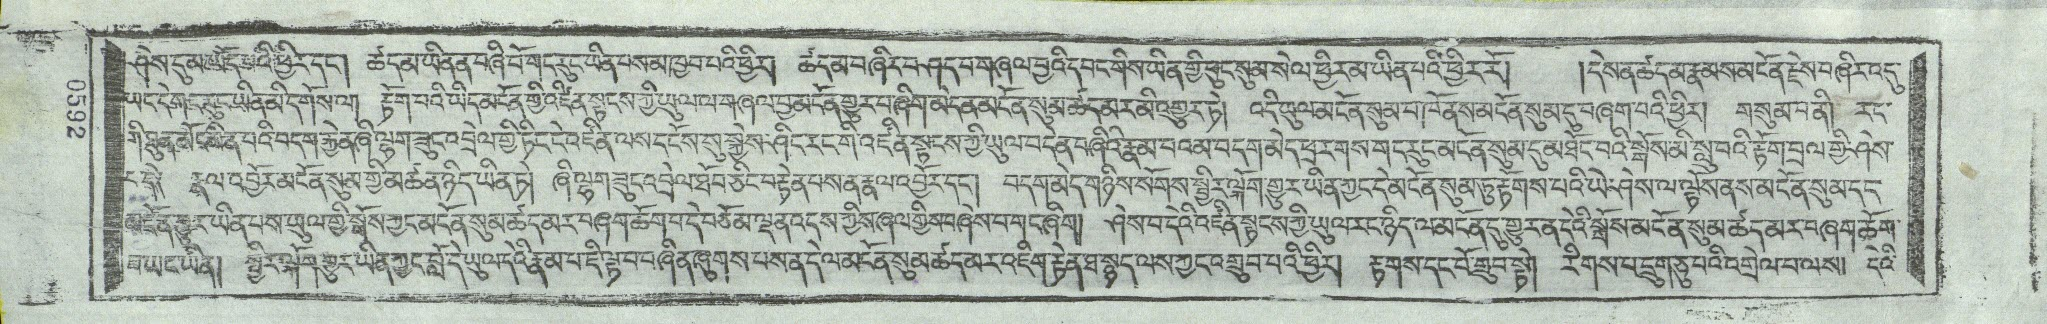ཤེས་དུ་མ་ཡོད་པའི་ཕྱིར་དང་། ཚད་མ་ཡིན་ན་བཞི་པོ་གང་རུང་ཡིན་པས་མ་ཁྱབ་པའི་ཕྱིར། ཚད་མ་བཞིར་བཤད་པ་གཞལ་བྱའི་དབང་གིས་ཡིན་གྱི་ཕུང་སུམ་སེལ་ཕྱིར་མ་ཡིན་པའི་ཕྱིར་རོ། །དེས་ན་ཚད་མ་རྣམས་མངོན་རྗེས་བཞིར་འདུ་
ཡང་དེ་གང་རུང་ཡིན་མི་དགོས་ལ། རྟོག་པའི་ཡིད་མངོན་གྱི་འཛིན་སྟངས་ཀྱི་ཡུལ་ལ་གཞལ་བྱ་མངོན་གྱུར་བ་ཞིག་མེད་ན་མངོན་སུམ་ཚད་མར་མི་འགྱུར་ཏེ། འདི་ཡུལ་མངོན་སུམ་པ་ཁོ་ནས་མངོན་སུམ་དུ་བཞག་པའི་ཕྱིར། གསུམ་པ་ནི། རང་
གི་ཐུན་མོང་མིན་པའི་བདག་རྐྱེན་ཞི་ལྷག་ཟུང་འབྲེལ་གྱི་ཏིང་ངེ་འཛིན་ལས་དངོས་སུ་སྐྱེས་ཤིང་རང་གི་འཛིན་སྟངས་ཀྱི་ཡུལ་བདེན་བཞིའི་རྣམ་པའམ་བདག་མེད་ཕྲ་རགས་གང་རུང་མངོན་སུམ་དུ་མཐོང་པའི་སྒོས་མི་སླུ་བའི་རྟོག་བྲལ་གྱི་ཤེས་
པ་དེ༑ རྣལ་འབྱོར་མངོན་སུམ་གྱི་མཚན་ཉིད་ཡིན་ཏེ། ཞི་ལྷག་ཟུང་འབྲེལ་ཐོབ་ཅིང་བརྟེན་པས་ན་རྣལ་འབྱོར་དང་། བདག་མེད་གཉིས་སོགས་སྤྱིར་ལྐོག་གྱུར་ཡིན་ཀྱང་དེ་མངོན་སུམ་ཏུ་རྟོགས་པའི་ཡེ་ཤེས་ལ་ལྟོས་ནས་མངོན་སུམ་དང་
མངོན་གྱུར་ཡིན་པས་ཡུལ་གྱི་སྒོས་ཀྱང་མངོན་སུམ་ཚད་མར་བཞག་ཆོག་པ་དེ་བཅོམ་ལྡན་འདས་ཀྱིས་ཞལ་གྱིས་བཞེས་པ་གང་ཞིག་ཤེས་པ་དེའི་འཛིན་སྟངས་ཀྱི་ཡུལ་རང་ཉིད་ལ་མངོན་དུ་གྱུར་ན་དེའི་སྒོས་མངོན་སུམ་ཚད་མར་བཞག་ཆོག་
པ་ཡང་ཡིན། སྤྱིར་ལྐོག་གྱུར་ཡིན་ཀྱང་བློ་དེ་ཡུལ་དེའི་རྣམ་པ་ཇི་ལྟ་བ་བཞིན་ཞུགས་པས་ན་དེ་ལ་མངོན་སུམ་ཚད་མར་འཇིག་རྟེན་ཐ་སྙད་ལས་ཀྱང་འགྲུབ་པའི་ཕྱིར། རྟགས་དང་པོ་གྲུབ་སྟེ། རིགས་པ་དྲུག་ཅུ་པའི་འགྲེལ་པ་ལས། དེའི་